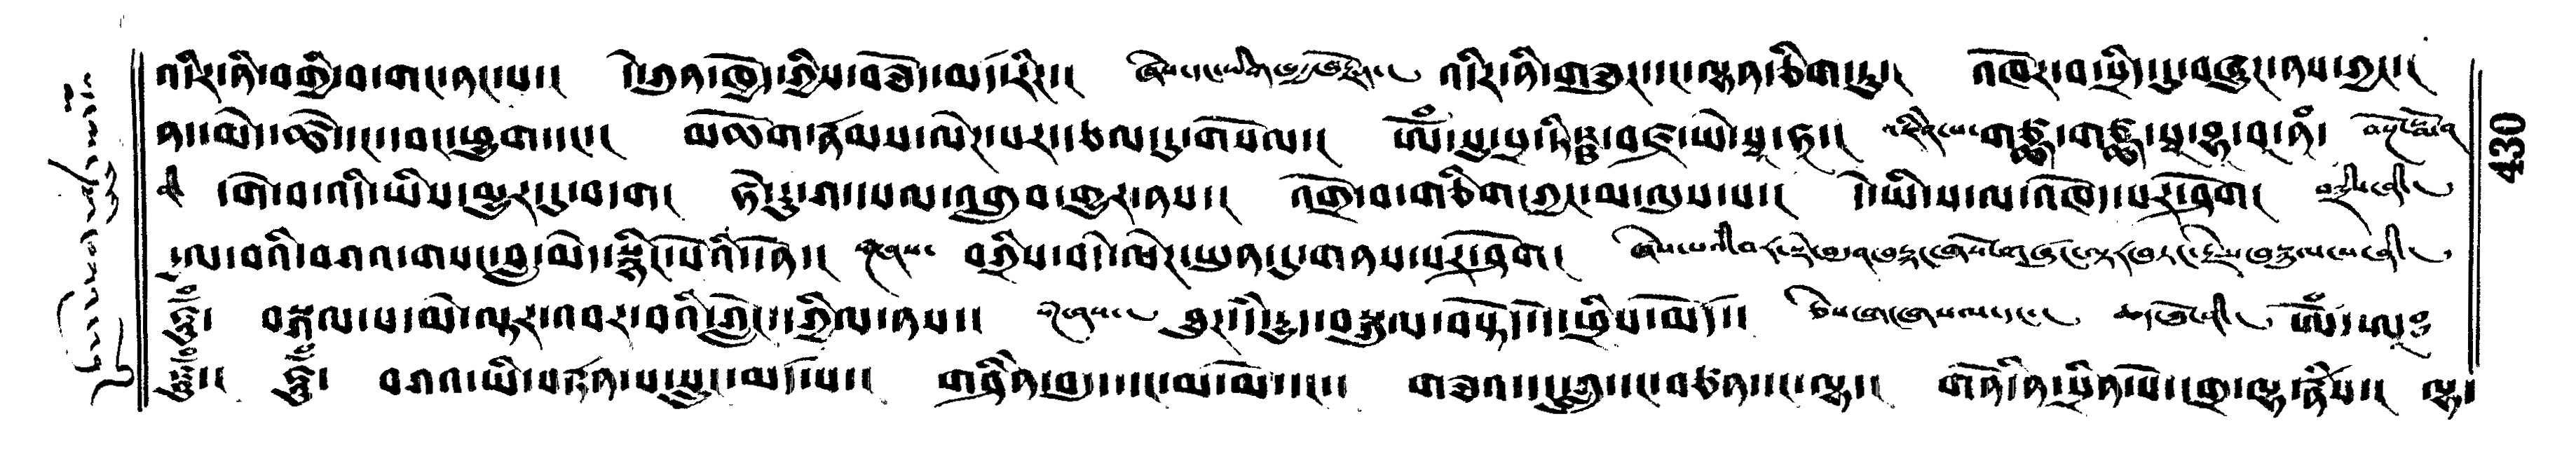།འདིར་ནི་བགྱི་བ་གང་ནོངས་པ། །དེ་ཀུན་ཁྱོད་ཀྱིས་བཟོད་མཛད་རིགས། ། ཞེས་དང་ཡིག་བརྒྱ་རྗོད། འདིར་ནི་གཟུགས་དང་ལྷན་ཅིག་ཏུ། །འཁོར་བ་སྲིད་དུ་བཞུགས་ནས་ཀྱང་། །
ནད་མེད་ཚེ་དང་དབང་ཕྱུག་དང་། མཆོག་རྣམས་ལེགས་པར་སྩལ་དུ་གསོལ། །ཨོཾ་སུ་པྲ་ཏིཥྛ་བཛྲ་ཡེ་སྭ་ཧཱ། འཇིག་རྟེན་པ་གཙྪ་གཙྪ་སྭ་བྷཱ་བཱ་ནཱཾ། བསྔོ་སྨོན་
ནི། དགེ་བ་འདི་ཡིས་མྱུར་དུ་བདག །ཧེ་རུ་ཀ་དཔལ་འགྲུབ་གྱུར་ནས། །འགྲོ་བ་གཅིག་ཀྱང་མ་ལུས་པ།དེ་ཡི་ས་ལ་འགོད་པར་ཤོག ། བཀྲ་ཤིས་ནི།
 རྒྱལ་བའི་བཀའ་གསང་བླ་མེད་སྙིང་པོའི་དོན། ། སོགས་ནས་བཀྲ་ཤིས་བདེ་ལེགས་ཡུན་དུ་གནས་པར་ཤོག ། ཞེས་པའི་བར་སྡེ་བདུན་བསྐང་གསོ་གཞུང་ལྟར་བཏང་རྗེས་སྐུལ་པ་ནི། 
ཧཱུྃ། བསྐལ་པ་མེ་ལྟར་འབར་བའི་ཀློང་དཀྱིལ་ནས། །སོགས་ནས་ཐུགས་དམ་རྒྱུད་བསྐུལ་བསྟོད་དོ་ཕྲིན་ལས་མཛོད། ། ཅེས་གོང་གསལ་དང་། ཆད་ཐོ་ནི། ཨོཾ་ཨཱཿ
ཧཱུྂ། བཀའ་ཡི་བསྟན་པ་སྲུང་མཛད་པ། །གཤིན་རྗེ་བདུད་དང་མ་མོ་དང་། །གཟའ་དང་ཀླུ་དང་བཙན་དང་ལྷ། །གནོད་སྦྱིན་སྲིན་པོ་དགྲ་ལྷ་རྣམས། ལྷ་